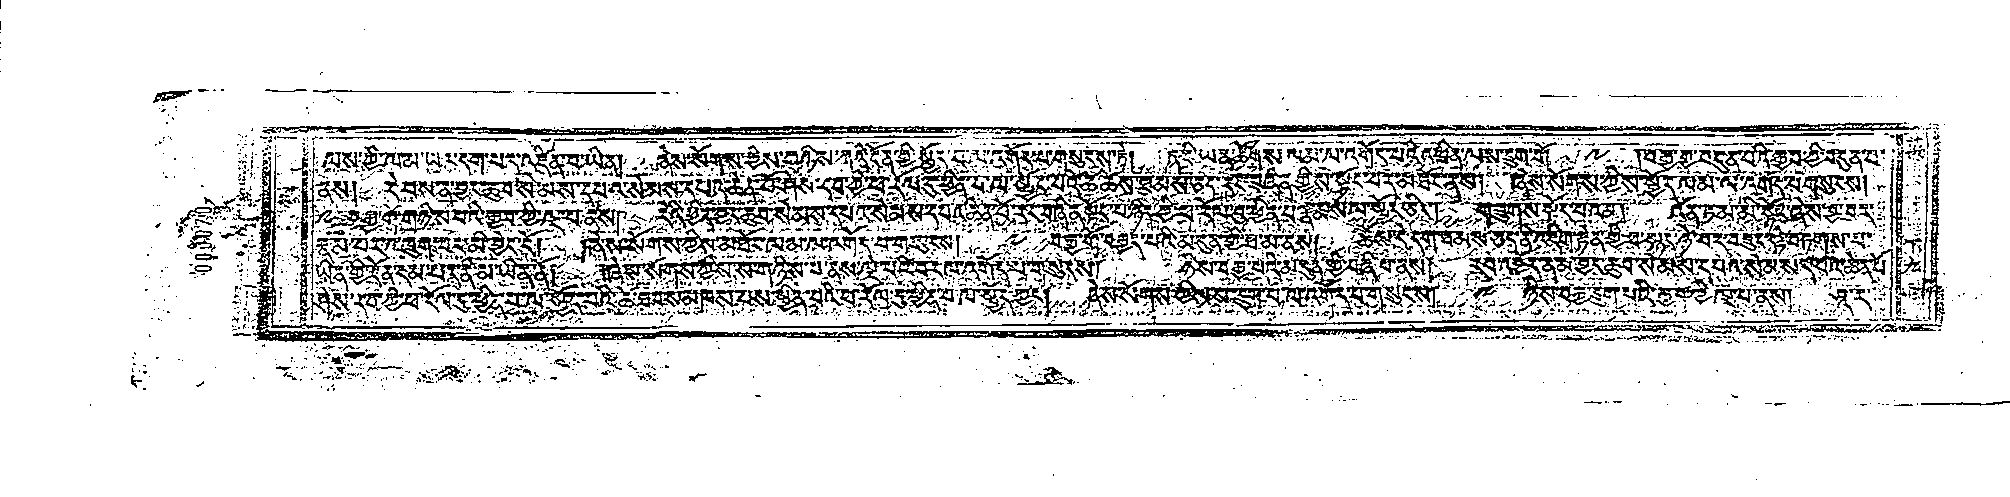ལས་ཀྱི་ལམ་ཡང་དག་པར་འཛིན་པ་ཡིན། ཞེས་སོགས་ཀྱིས་གཉིས་ཀའི་དོན་གྱི་སྤྱོད་པ་ལ་འགོད་པ་གསུངས་ཏེ། འདི་ཡན་ཚོགས་ལམ་ལ་འགོད་པའི་འཕྲིན་ལས་དྲུག་གོ་༧་།བརྒྱ་རྒྱ་བདུན་པའི་རྒྱབ་ཀྱི་བདུན་པ་
ནས། དེ་བས་ན་བྱང་ཆུབ་སེམས་དཔའ་སེམས་དཔའ་ཆེན་པོ་ཤེས་རབ་ཀྱི་ཕ་རོལ་དུ་ཕྱིན་པ་ལ་སྤྱོད་པའི་ཚེ་ཆོས་ཐམས་ཅད་རང་བཞིན་གྱིས་སྟོང་པར་མཐོང་ནས། ཞེས་སོགས་ཀྱིས་སྦྱོར་ལམ་ལ་འགད་པ་གསུངས།
༧་བརྒྱ་གོ་གཉིས་པའི་རྒྱབ་ཀྱི་ལྔ་པ་ནས། དེའི་ཕྱིར་བྱང་ཆུབ་སེམས་དཔའ་སེམས་དཔའ་ཆེན་པོ་རང་བཞིན་སྟོང་པ་ཉིད་ཀྱི་ཕ་རོལ་དུ་ཕྱིན་པ་རྣམས་ལ་སྤྱོད་ཅིང་། གཟུགས་སྟོང་པའམ། འོན་ཏམ་མི་སྟོང་ཞེས་བྱ་བར་
རྣམ་པར་འཁྲུག་པར་མི་བྱེད་དོ། །ཞེས་སོགས་ཀྱིས་མཐོང་ལམ་ལ་འགོད་པ་གསུངས། ༧་བརྒྱ་གོ་བརྒྱད་པའི་མདུན་གྱི་ཐ་མ་ནས། ཆོས་དེ་དག་ཐམས་ཅད་གྱི་ཐ་སྙད་ཉེ་བར་བཟུང་སྟེ་བཏགས་པ་
ཡིན་གྱི་དོན་དམ་པར་ནི་མ་ཡིན་ནོ། །ཞེས་སོགས་ཀྱིས་ས་གཉིས་པ་ནས་ལྔ་པའི་བར་ལ་འགོད་པ་གསུངས། ཉིས་བརྒྱ་པའི་མདུན་གྱི་བཞི་པ་ནས། རབ་འབྱོར་ནམ་བྱང་ཆུབ་སེམས་དཔའ་སེམས་དཔའ་ཆེན་པོ་
ཤེས་རབ་ཀྱི་ཕ་རོལ་དུ་ཕྱིན་པ་ལ་སྤྱོད་པའི་ཚེ་ཐབས་མཁས་པས་སྦྱིན་པའི་ཕ་རོལ་དུ་ཕྱིན་པ་ལ་སྤྱོད་ཀྱང་། ཞེས་སོགས་ཀྱིས་ས་དྲུག་པ་ལ་འགོད་པ་གསུངས། ༧་ཉིས་བརྒྱ་དྲུག་པའི་རྒྱབ་ཀྱི་ལྔ་པ་ནས། ཤཱ་ར་